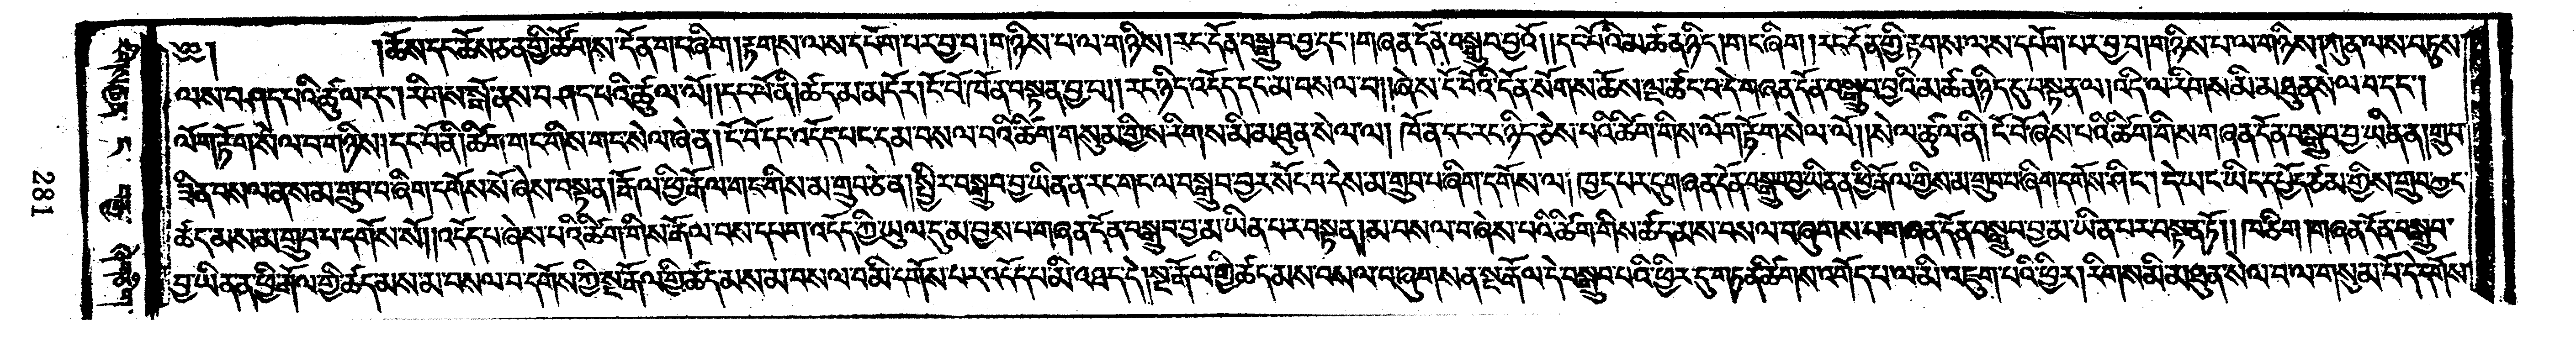༄༅། །ཆོས་དང་ཆོས་ཅན་གྱི་ཚོགས་དོན་གང་ཞིག །རྟགས་ལས་དཔག་པར་བྱ་བ། གཉིས་པ་ལ་གཉིས། རང་དོན་བསྒྲུབ་བྱ་དང་། གཞན་དོན་བསྒྲུབ་བྱའོ། །དང་པོའི་མཚན་ཉིད། གང་ཞིག །རང་དོན་གྱི་རྟགས་ལས་དཔག་པར་བྱ་བ། གཉིས་པ་ལ་གཉིས། ཀུན་ལས་བཏུས་
ལས་བཤད་པའི་ཚུལ་དང་། རིགས་སྒོ་ནས་བཤད་པའི་ཚུལ་ལོ། །དང་པོ་ནི། ཚད་མ་མདོར། ངོ་བོ་ཁོ་ན་བསྟན་བྱ་བ། །རང་ཉིད་འདོད་དང་མ་བསལ་བ། །ཞེས་ངོ་བོའི་དོན་སོགས་ཆོས་ལྔ་ཚང་བ་དེ་གཞན་དོན་བསྒྲུབ་བྱའི་མཚན་ཉིད་དུ་བསྟན་ལ། འདི་ལ་རིགས་མི་མཐུན་སེལ་བ་དང་།
ལོག་རྟོག་སེལ་བ་གཉིས། དང་པོ་ནི། ཚིག་གང་གིས་གང་སེལ་ཞེ་ན། ངོ་བོ་དང་འདོད་པ་དང་མ་བསལ་བའི་ཚིག་གསུམ་གྱིས་རིགས་མི་མཐུན་སེལ་ལ། ཁོ་ན་དང་རང་ཉིད་ཅེས་པའི་ཚིག་གིས་ལོག་རྟོག་སེལ་ལོ། །སེལ་ཚུལ་ནི། ངོ་བོ་ཞེས་པའི་ཚིག་གིས་གཞན་དོན་བསྒྲུབ་བྱ་ཡིན་ན། གྲུབ་
ཟིན་བསལ་ནས་མ་གྲུབ་པ་ཞིག་དགོས་སོ་ཞེས་བསྟན། རྒོལ་ཕྱི་རྒོལ་གང་གིས་མ་གྲུབ་ཅེ་ན། སྤྱིར་བསྒྲུབ་བྱ་ཡིན་ན་རང་གང་ལ་བསྒྲུབ་བྱར་སོང་བ་དེས་མ་གྲུབ་པ་ཞིག་དགོས་ལ། ཁྱད་པར་དུ་གཞན་དོན་བསྒྲུབ་བྱ་ཡིན་ན་ཕྱི་རྒོལ་གྱིས་མ་གྲུབ་པ་ཞིག་དགོས་ཤིང་། དེ་ཡང་ཡིད་དཔྱོད་ཙམ་གྱིས་གྲུབ་ཀྱང་
ཚད་མས་མ་གྲུབ་པ་དགོས་སོ། །འདོད་པ་ཞེས་པའི་ཚིག་གིས་རྒོལ་བས་དཔག་འདོད་ཀྱི་ཡུལ་དུ་མ་བྱས་པ་གཞན་དོན་བསྒྲུབ་བྱ་མ་ཡིན་པར་བསྟན། མ་བསལ་བ་ཞེས་པའི་ཚིག་གིས་ཚད་མས་བསལ་བ་ཞུགས་པ་གཞན་དོན་བསྒྲུབ་བྱ་མ་ཡིན་པར་བསྟན་ཏོ། །ཁ་ཅིག །གཞན་དོན་བསྒྲུབ་
བྱ་ཡིན་ན་ཕྱི་རྒོལ་གྱི་ཚད་མས་མ་བསལ་བ་དགོས་ཀྱི་སྔ་རྒོལ་གྱི་ཚད་མས་མ་བསལ་བ་མི་དགོས་པར་འདོད་པ་མི་འཐད་དེ། སྔ་རྒོལ་གྱི་ཚད་མས་བསལ་བ་ཞུགས་ན་སྔ་རྒོལ་དེ་བསྒྲུབ་པའི་ཕྱིར་དུ་གཏན་ཚིགས་འགོད་པ་ལ་མི་འཇུག་པའི་ཕྱིར། རིགས་མི་མཐུན་སེལ་བ་ལ་གསུམ་པོ་དེ་དགོས་